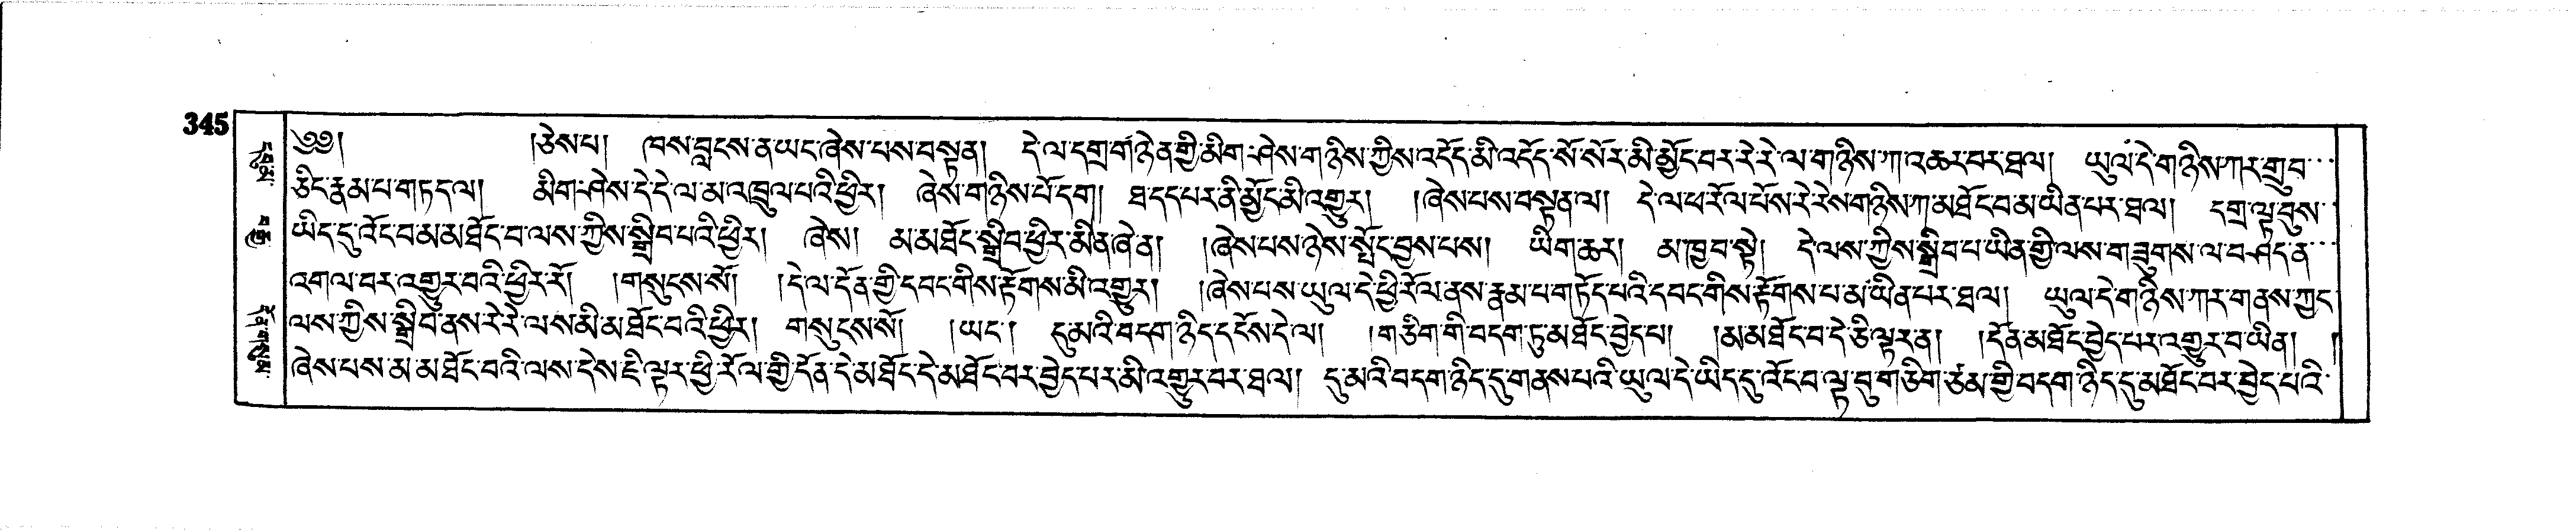༄༅། །ཅེས་པ། ཁས་བླངས་ན་ཡང་ཞེས་པས་བསྟན། དེ་ལ་དགྲ་གཉེན་གྱི་མིག་ཤེས་གཉིས་ཀྱིས་འདོད་མི་འདོད་སོ་སོར་མི་མྱོང་བར་རེ་རེ་ལ་གཉིས་ཀ་འཆར་བར་ཐལ། ཡུལ་དེ་གཉིས་ཀར་གྲུབ་
ཅིང་རྣམ་པ་གཏད་ལ། མིག་ཤེས་དེ་དེ་ལ་མ་འཁྲུལ་པའི་ཕྱིར། ཞེས་གཉིས་པོ་དག། ཐ་དད་པར་ནི་མྱོང་མི་འགྱུར། །ཞེས་པས་བསྟན་ལ། དེ་ལ་ཕ་རོལ་པོས་རེ་རེས་གཉིས་ཀ་མཐོང་བ་མ་ཡིན་པར་ཐལ། དགྲ་ལྟ་བུས་
ཡིད་དུ་འོང་བ་མ་མཐོང་བ་ལས་ཀྱིས་སྒྲིབ་པའི་ཕྱིར། ཞེས། མ་མཐོང་སྒྲིབ་ཕྱིར་མིན་ཞེ་ན། །ཞེས་པས་ཉེས་སྤོང་བྱས་པས། ཡིག་ཆར། མ་ཁྱབ་སྟེ། དེ་ལས་ཀྱིས་སྒྲིབ་པ་ཡིན་གྱི་ལས་གཟུགས་ལ་བཤད་ན་
འགལ་བར་འགྱུར་བའི་ཕྱིར་རོ། །གསུངས་སོ། །དེ་ལ་དོན་གྱི་དབང་གིས་རྟོགས་མི་འགྱུར། །ཞེས་པས་ཡུལ་དེ་ཕྱི་རོལ་ནས་རྣམ་པ་གཏོད་པའི་དབང་གིས་རྟོགས་པ་མ་ཡིན་པར་ཐལ། ཡུལ་དེ་གཉིས་ཀར་གནས་ཀྱང་
ལས་ཀྱིས་སྒྲིབ་ནས་རེ་རེ་ལས་མི་མཐོང་བའི་ཕྱིར། གསུངས་སོ། །ཡང་། དུ་མའི་བདག་ཉིད་དངོས་དེ་ལ། །གཅིག་གི་བདག་ཏུ་མཐོང་བྱེད་པ། །མ་མཐོང་བ་དེ་ཅི་ལྟར་ན། །དོན་མཐོང་བྱེད་པར་འགྱུར་བ་ཡིན། །
ཞེས་པས་མ་མཐོང་བའི་ལས་དེས་ཇི་ལྟར་ཕྱི་རོལ་གྱི་དོན་དེ་མཐོང་དེ་མཐོང་བར་བྱེད་པར་མི་འགྱུར་བར་ཐལ། དུ་མའི་བདག་ཉིད་དུ་གནས་པའི་ཡུལ་དེ་ཡིད་དུ་འོང་བ་ལྟ་བུ་གཅིག་ཙམ་གྱི་བདག་ཉིད་དུ་མཐོང་བར་བྱེད་པའི་